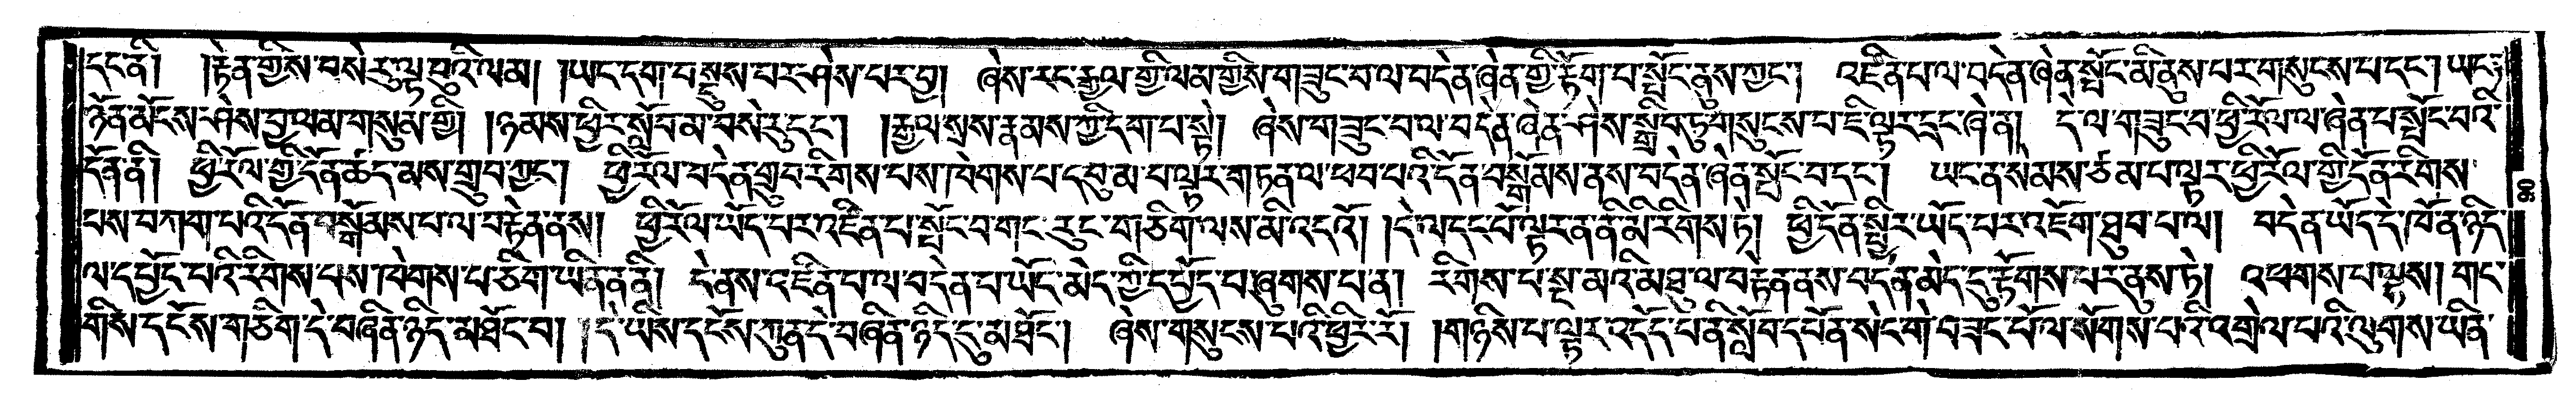དང་ནི། །རྟེན་གྱིས་བསེ་རུ་ལྟ་བུའི་ལམ། །ཡང་དག་བསྡུས་པར་ཤེས་པར་བྱ། ཞེས་རང་རྒྱལ་གྱི་ལམ་གྱིས་གཟུང་བ་ལ་བདེན་ཞེན་གྱི་རྟོག་པ་སྤོང་ནུས་ཀྱང་། འཛིན་པ་ལ་བདེན་ཞེན་སྤོང་མི་ནུས་པར་གསུངས་པ་དང་། ཡང་
ཉོན་མོངས་ཤེས་བྱ་ལམ་གསུམ་གྱི། །ཉམས་ཕྱིར་སློབ་མ་བསེ་རུ་དང་། །རྒྱལ་སྲས་རྣམས་ཀྱི་དག་པ་སྟེ། ཞེས་གཟུང་བ་ལ་བདེན་ཞེན་ཤེས་སྒྲིབ་ཏུ་གསུངས་པ་ཇི་ལྟར་དྲང་ཞེ་ན། དེ་ལ་གཟུང་བ་ཕྱི་རོལ་ལ་ཞེན་པ་སྤོང་བའི་
དོན་ནི། ཕྱི་རོལ་གྱི་དོན་ཚད་མས་གྲུབ་ཀྱང་། ཕྱི་རོལ་བདེན་གྲུབ་རིགས་པས་ཁེགས་པ་དབུ་མ་པ་ལྟར་གཏན་ལ་ཕབ་པའི་དོན་བསྒོམས་ནས་བདེན་ཞེན་སྤོང་བ་དང་། ཡང་ན་སེམས་ཙམ་པ་ལྟར་ཕྱི་རོལ་གྱི་དོན་རིགས་
པས་བཀག་པའི་དོན་བསྒོམས་པ་ལ་བརྟེན་ནས། ཕྱི་རོལ་ཡོད་པར་འཛིན་པ་སྤོང་བ་གང་རུང་གཅིག་ལས་མི་འདའོ། །དེ་ལ་དང་པོ་ལྟར་ན་ནི་མི་རིགས་ཏེ། ཕྱི་དོན་སྤྱིར་ཡོད་པར་འཇོག་ཐུབ་པ་ལ། བདེན་ཡོད་དེ་ཁོ་ན་ཉིད་
ལ་དཔྱོད་པའི་རིགས་པས་ཁེགས་པ་ཅིག་ཡིན་ན་ནི། དེ་ནས་འཛིན་པ་ལ་བདེན་པ་ཡོད་མེད་ཀྱི་དཔྱོད་པ་ཞུགས་པ་ན། རིགས་པ་སྔ་མའི་མཐུ་ལ་བརྟེན་ནས་བདེན་མེད་དུ་རྟོགས་པར་ནུས་ཏེ། འཕགས་པ་ལྷས། གང་
གིས་དངོས་གཅིག་དེ་བཞིན་ཉིད་མཐོང་བ། །དེ་ཡིས་དངོས་ཀུན་དེ་བཞིན་ཉིད་དུ་མཐོང་། ཞེས་གསུངས་པའི་ཕྱིར་རོ། །གཉིས་པ་ལྟར་འདོད་པ་ནི་སློབ་དཔོན་སེང་གེ་བཟང་པོ་ལ་སོགས་པའི་འགྲེལ་པའི་ལུགས་ཡིན་